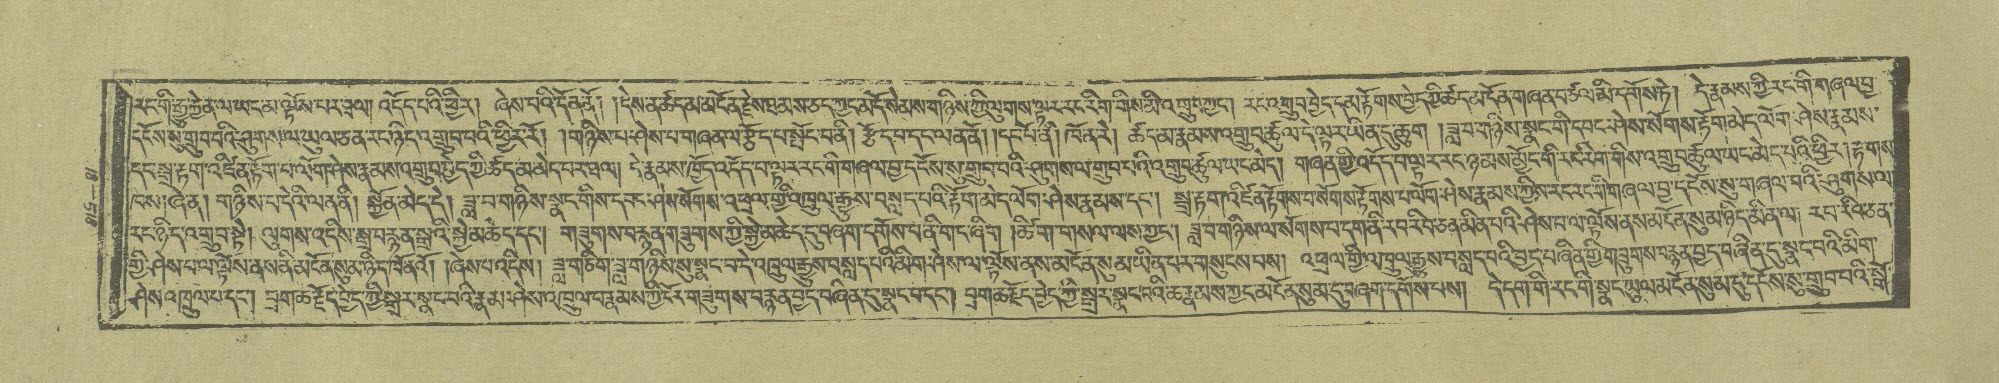རང་གི་རྒྱུ་རྐྱེན་ལ་ཡང་མ་ལྟོས་པར་ཐལ། འདོད་པའི་ཕྱིར། ཞེས་པའི་དོན་ནོ། །དེས་ན་ཚད་མ་མངོན་རྗེས་ཐམས་ཅད་ཀྱང་མདོ་སེམས་གཉིས་ཀྱི་ལུགས་ལྟར་རང་རིག་གིས་མི་འགྲུབ་ཀྱང་། རང་འགྲུབ་བྱེད་དམ་རྟོགས་བྱེད་ཀྱི་ཚད་མ་དོན་གཞན་བཙལ་མི་དགོས་ཏེ། དེ་རྣམས་ཀྱི་རང་གི་གཞལ་བྱ་
དངོས་སུ་གྲུབ་པའི་ཤུགས་ལ་ཡུལ་ཅན་རང་ཉིད་འགྲུབ་པའི་ཕྱིར་རོ། །གཉིས་པ་ཤེས་པ་གཞན་ལ་རྩོད་པ་སྤོང་བ་ནི། རྩོད་པ་དང་ལན་ནོ། །དང་པོ་ནི། ཁོ་ན་རེ། ཚད་མ་རྣམས་འགྲུབ་ཚུལ་དེ་ལྟར་ཡིན་དུ་ཆུག །ཟླ་བ་གཉིས་སྣང་གི་དབང་ཤེས་སོགས་རྟོག་མེད་ལོག་ཤེས་རྣམས་
དང་སྒྲ་རྟག་འཛིན་རྟོག་པ་ལོག་ཤེས་རྣམས་འགྲུབ་བྱེད་ཀྱི་ཚད་མ་མེད་པར་ཐལ། དེ་རྣམས་ཁྱོད་འདོད་པ་ལྟར་རང་གི་གཞལ་བྱ་དངོས་སུ་གྲུབ་པའི་ཤུགས་ལ་གྲུབ་པའི་འགྲུབ་ཚུལ་ཡང་མེད། གཞན་གྱི་འདོད་པ་ལྟར་རང་ཉམས་མྱོང་གི་རང་རིག་གིས་འགྲུབ་ཚུལ་ཡང་མེད་པའི་ཕྱིར། རྟགས་
ཁས། ཞེ་ན། གཉིས་པ་དེའི་ལན་ནི། སྐྱོན་མེད་དེ། ཟླ་བ་གཉིས་སྣང་གིས་དབང་ཤེས་སོགས་འཕྲལ་གྱི་འཁྲུལ་རྒྱུས་བསླད་པའི་རྟོག་མེད་ལོག་ཤེས་རྣམས་དང་། སྒྲ་རྟག་འཛིན་རྟོགས་པ་སོགས་རྟོགས་པ་ལོག་ཤེས་རྣམས་ཀྱིས་རང་རང་གི་གཞལ་བྱ་དངོས་སུ་གཞལ་བའི་ཤུགས་ལ་
རང་ཉིད་འགྲུབ་སྟེ། ལུགས་འདིས་སྒྲ་བརྙན་སྒྲའི་སྐྱེ་མཆེད་དང་། གཟུགས་བརྙན་གཟུགས་ཀྱི་སྐྱེ་མཆེད་དུ་བཞག་དགོས་པ་ནི་གང་ཞིག །ཚིག་གསལ་ལས་ཀྱང་། ཟླ་བ་གཉིས་ལ་སོགས་པ་དག་ནི་རབ་རིབ་ཅན་མིན་པའི་ཤེས་པ་ལ་ལྟོས་ནས་མངོན་སུམ་ཉིད་མིན་ལ། རབ་རིབ་ཅན་
གྱི་ཤེས་པ་ལ་ལྟོས་ནས་ནི་མངོན་སུམ་ཉིད་ཁོ་ནའོ། །ཞེས་པ་འདིས། ཟླ་གཅིག་ཟླ་གཉིས་སུ་སྣང་བ་དེ་འཁྲུལ་རྒྱུས་བསླད་པའི་མིག་ཤེས་ལ་ལྟོས་ནས་མངོན་སུམ་ཡིན་པར་གསུངས་པས། འཕྲལ་གྱི་འཁྲུལ་རྒྱུས་བསླད་པའི་བྱད་བཞིན་གྱི་གཟུགས་བརྙན་བྱད་བཞིན་དུ་སྣང་བའི་མིག་
ཤེས་འཁྲུལ་པ་དང་། བྲག་ཆ་རྗོད་བྱེད་ཀྱི་སྒྲར་སྣང་བའི་རྣམ་ཤེས་འཁྲུལ་པ་རྣམས་ཀྱི་ངོར་གཟུགས་བརྙན་བྱད་བཞིན་དུ་སྣང་བ་དང་། བྲག་ཆ་རྗོད་བྱེད་ཀྱི་སྒྲར་སྣང་བའི་ཆ་རྣམས་ཀྱང་མངོན་སུམ་དུ་བཞག་དགོས་པས། དེ་དག་གི་རང་གི་སྣང་ཡུལ་མངོན་སུམ་དུ་དངོས་སུ་གྲུབ་པའི་སྒོ་